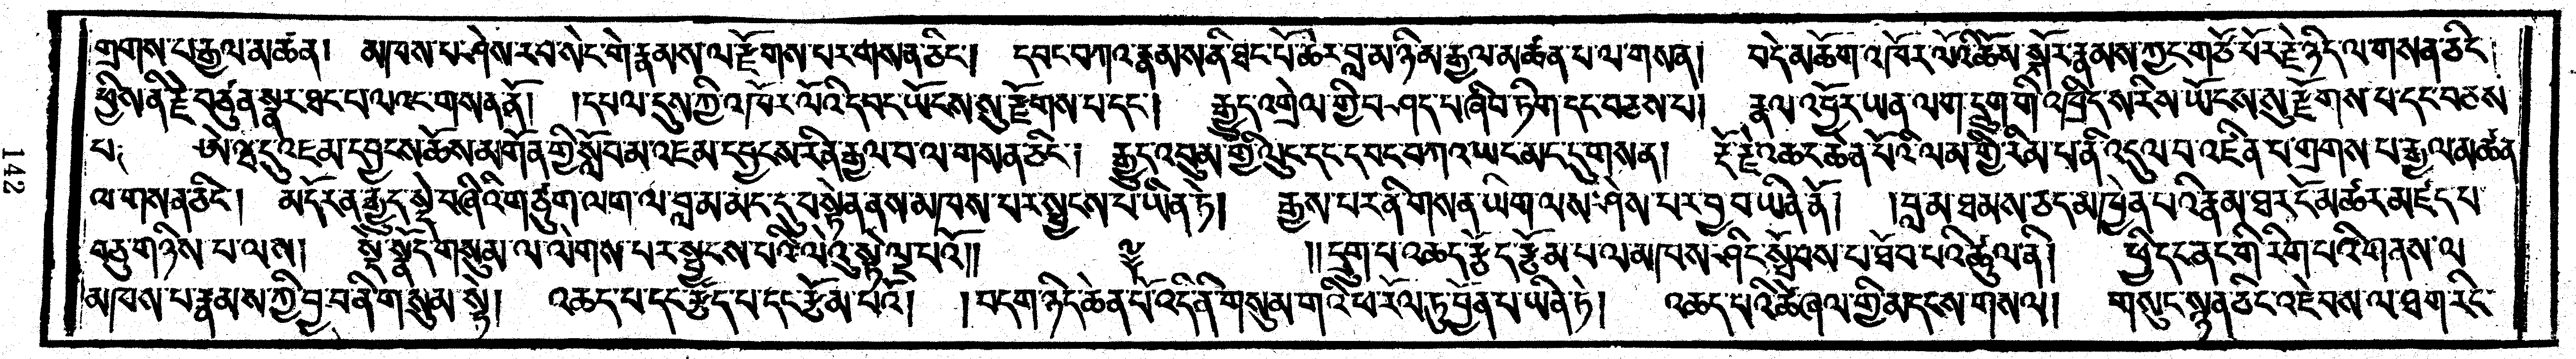གྲགས་པ་རྒྱལ་མཚན། མཁས་པ་ཤེས་རབ་སེང་གེ་རྣམས་ལ་རྫོགས་པར་གསན་ཅིང་། དབང་བཀའ་རྣམས་ནི་ཐང་པོ་ཆེར་བླ་མ་ཉི་མ་རྒྱལ་མཚན་པ་ལ་གསན། བདེ་མཆོག་འཁོར་ལོའི་ཆོས་སྐོར་རྣམས་ཀྱང་གཙོ་བོར་རྗེ་ཉིད་ལ་གསན་ཅིང་
ཕྱིས་ནི་རྗེ་བཙུན་སྣར་ཐང་པ་ལའང་གསན་ནོ། །དཔལ་དུས་ཀྱི་འཁོར་ལོའི་དབང་ཡོངས་སུ་རྫོགས་པ་དང་། རྒྱུད་འགྲེལ་གྱི་བཤད་པ་ཞིབ་ཏིག་དང་བཅས་པ། རྣལ་འབྱོར་ཡན་ལག་དྲུག་གི་འཁྲིད་ས་རིས་ཡོངས་སུ་རྫོགས་པ་དང་བཅས་
པ༑ ཨེ་ཝ་དུ་འཇམ་དབྱངས་ཆོས་མགོན་གྱི་སློབ་མ་འཇམ་དབྱངས་རིན་རྒྱལ་བ་ལ་གསན་ཅིང་། རྒྱུད་འབུམ་གྱི་ལུང་དང་དབང་བཀའ་ཡང་མང་དུ་གསན། རྡོ་རྗེ་འཆང་ཆེན་པོའི་ལམ་གྱི་རིམ་པ་ནི་འདུལ་བ་འཛིན་པ་གྲགས་པ་རྒྱལ་མཚན་
ལ་གསན་ཅིང་། མདོར་ན་རྒྱུད་སྡེ་བཞིའི་གཙུག་ལག་ལ་བླ་མ་མང་དུ་བསྟེན་ནས་མཁས་པར་སྦྱངས་པ་ཡིན་ཏེ། རྒྱས་པར་ནི་གསན་ཡིག་ལས་ཤེས་པར་བྱ་བ་ཡིན་ནོ། །བླ་མ་ཐམས་ཅད་མཁྱེན་པའི་རྣམ་ཐར་ངོ་མཚར་མཛད་པ་
བཅུ་གཉིས་པ་ལས། སྡེ་སྣོད་གསུམ་ལ་ལེགས་པར་སྦྱངས་པའི་ལེའུ་སྟེ་ལྔ་པའོ།། ༈ །།དྲུག་པ་འཆད་རྩོད་རྩོམ་པ་ལ་མཁས་ཤིང་སྦོབས་པ་ཐོབ་པའི་ཚུལ་ནི། ཕྱི་དང་ནང་གི་རིག་པའི་གནས་ལ་
མཁས་པ་རྣམས་ཀྱི་བྱ་བ་ནི་གསུམ་སྟེ། འཆད་པ་དང་རྩོད་པ་དང་རྩོམ་པའོ། །བདག་ཉིད་ཆེན་པོ་འདི་ནི་གསུམ་གའི་ཕ་རོལ་ཏུ་བྱོན་པ་ཡིན་ཏེ། འཆད་པའི་ཚེ་ཞལ་གྱི་མདངས་གསལ། གསུང་སྙན་ཅིང་འཇེབས་ལ་ཐག་རིང་